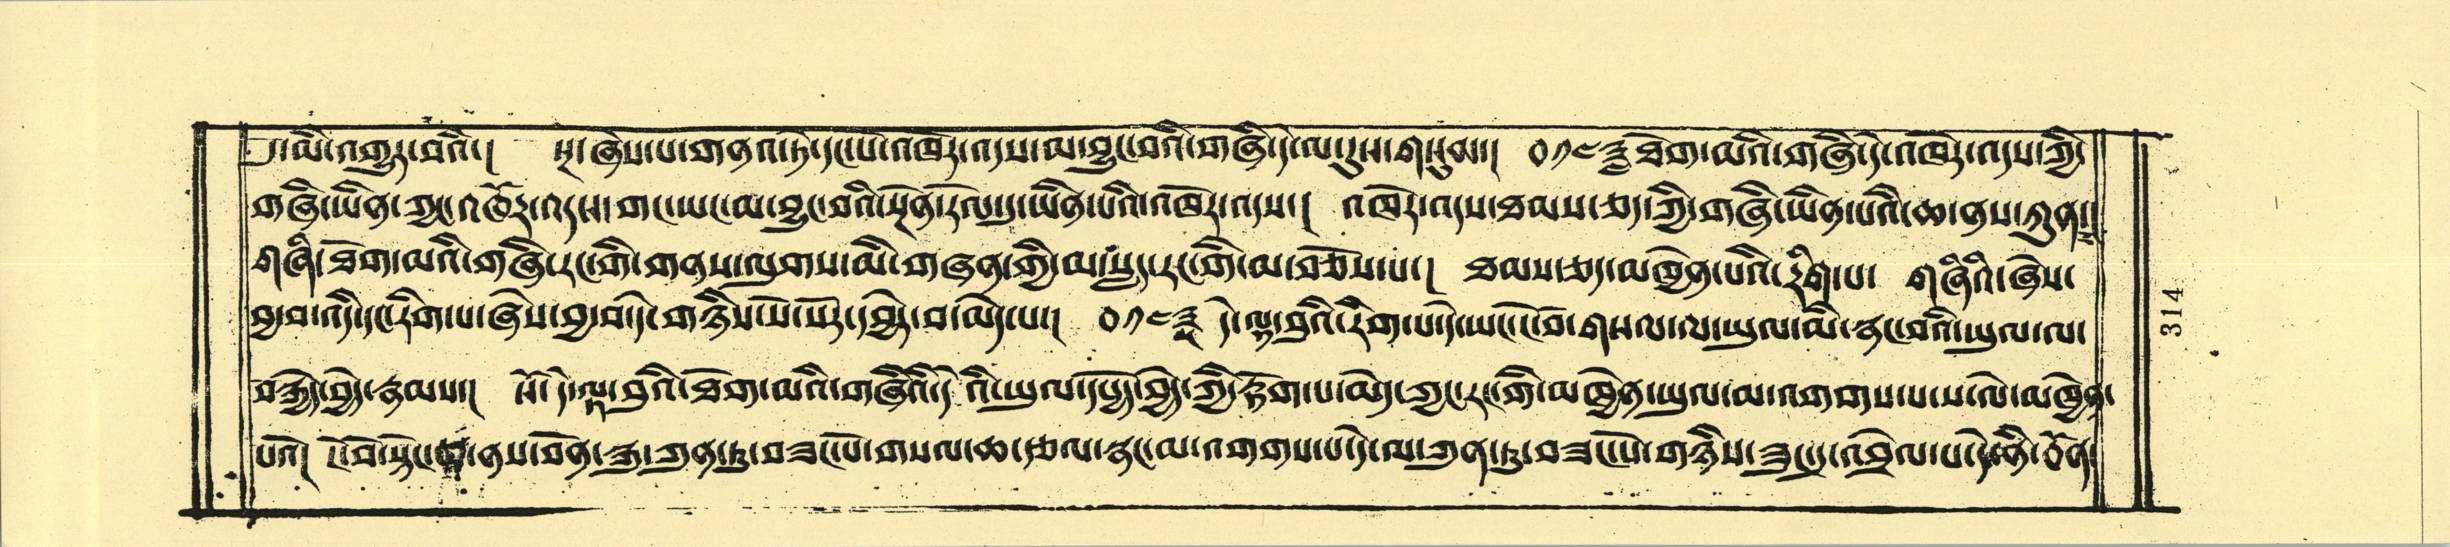དུ་མི་འགྱུར་བའི། ༼སྔ་༽ཞེས་པ་གནའ་ཏེ་དང་པོ་འཁོར་འདས་མ་བྱུང་བའི་གཞི་དེ་ལ་ ༼དུས་གསུམ།༽བ༡༤༣།༤ ཐོག་མའི་གཞི་དེ་འཁོར་འདས་ཀྱི་
གཞི་ཡིན་ཀྱང་ ༼འཁོར་འདས་༽གང་ཡང་མ་བྱུང་བའི་སྔོན་རོལ་དུ་ཡིན་པའི་འཁོར་འདས། འཁོར་འདས་ཐམས་ཅད་ཀྱི་གཞི་ཡིན་པའི་ཆ་ནས་ ༼ཀུན་
གཞི་༽ཐོག་མའི་གཞི་རང་གི་གནས་ལུགས་མི་གཞན་གྱི་མ་སླད་རང་གི་མ་བཅོས་པ། ཐམས་ཅད་མཁྱེན་པའི་ ༼རིག་པ་༽ ༼གཞིའི་༽ཞེས་
བྱ་བ་འདི་དང་རིག་པ་ཞེས་བྱ་བ་དེ་གཉིས་སོ་སོར་དབྱེར་བ་མེད་པ། བ༡༤༣།༥ དེ་ལྟ་བུའི་རིག་པ་དེ་ཡང་ངོ་བོ་ ༼གསལ་ལ་༽ཡུལ་མི་སྣང་བའི་ཡུལ་ལ་
བསྐྱེད་བྱེད་རྣམས། ༼སོ་༽དེ་ལྟ་བུའི་ཐོག་མའི་གཞིའི་དེའི་ཡུལ་དཔྱོད་བྱེད་ཀྱི་རྟོག་པ་མེད་ཀྱང་རང་གི་མཁྱེན་ཡུལ་མ་འགགས་པ་ས་ལེ་མཁྱེན་
པའོ། ངོ་བོ་སྟོང་ཆ་ནས་བོན་སྐུ་ཀུན་ཏུ་བཟང་པོ་གསལ་ཆ་རྩལ་སྣང་མ་འགགས་པ་དེ་ལ་ཀུན་ཏུ་བཟང་པོ་གཉིས་ཟུང་དུ་འབྲེལ་བ་དེ་ནི་ ༼བོན་༽